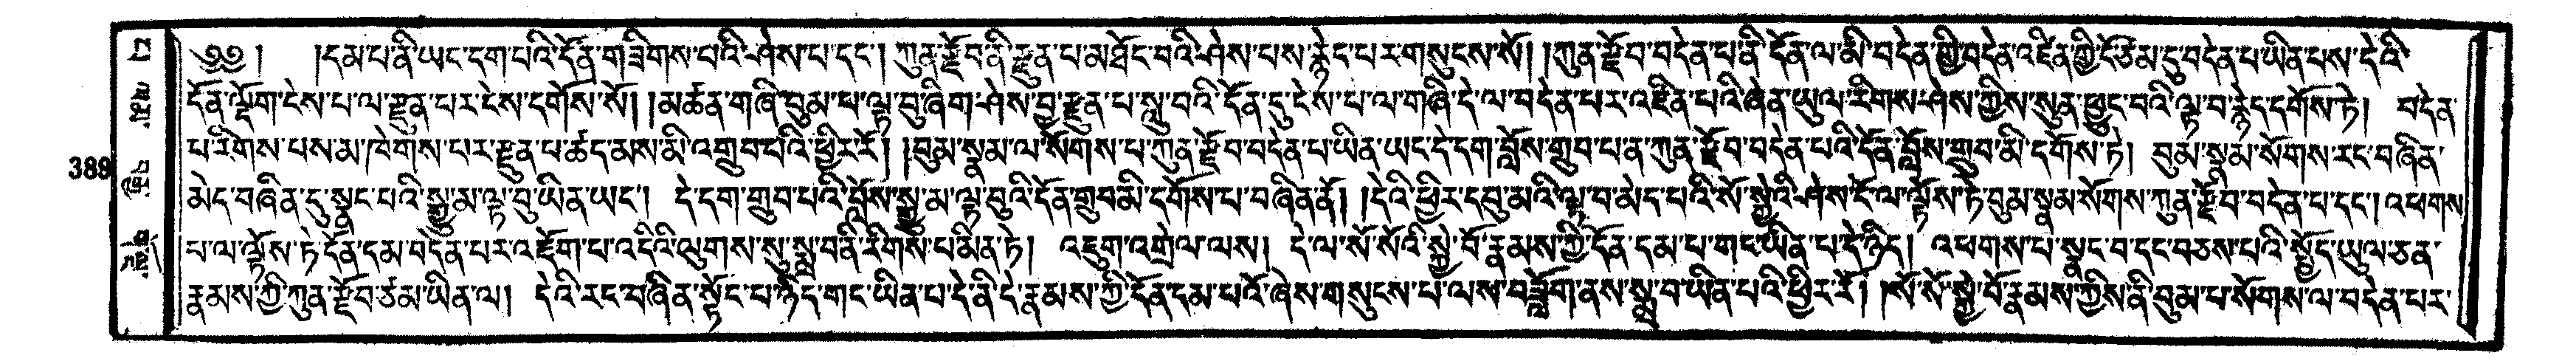༄༅། །དམ་པ་ནི་ཡང་དག་པའི་དོན་གཟིགས་པའི་ཤེས་པ་དང་། ཀུན་རྫོབ་ནི་རྫུན་པ་མཐོང་བའི་ཤེས་པས་རྙེད་པར་གསུངས་སོ། །ཀུན་རྫོབ་བདེན་པ་ནི་དོན་ལ་མི་བདེན་གྱི་བདེན་འཛིན་གྱི་ངོ་ཙམ་དུ་བདེན་པ་ཡིན་པས་དེའི་
དོན་ལྡོག་ངེས་པ་ལ་རྫུན་པར་ངེས་དགོས་སོ། །མཚན་གཞི་བུམ་པ་ལྟ་བུ་ཞིག་ཤེས་བྱ་རྫུན་པ་སླུ་བའི་དོན་དུ་ངེས་པ་ལ་གཞི་དེ་ལ་བདེན་པར་འཛིན་པའི་ཞེན་ཡུལ་རིགས་ཤེས་ཀྱིས་སུན་ཕྱུང་བའི་ལྟ་བ་རྙེད་དགོས་ཏེ། བདེན་
པ་རིགས་པས་མ་ཁེགས་པར་རྫུན་པ་ཚད་མས་མི་འགྲུབ་པའི་ཕྱིར་རོ། །བུམ་སྣམ་ལ་སོགས་པ་ཀུན་རྫོབ་བདེན་པ་ཡིན་ཡང་དེ་དག་བློས་གྲུབ་པ་ན་ཀུན་རྫོབ་བདེན་པའི་དོན་བློས་གྲུབ་མི་དགོས་ཏེ། བུམ་སྣམ་སོགས་རང་བཞིན་
མེད་བཞིན་དུ་སྣང་བའི་སྒྱུ་མ་ལྟ་བུ་ཡིན་ཡང་། དེ་དག་གྲུབ་པའི་བློས་སྒྱུ་མ་ལྟ་བུའི་དོན་གྲུབ་མི་དགོས་པ་བཞིན་ནོ་། །དེའི་ཕྱིར་དབུ་མའི་ལྟ་བ་མེད་པའི་སོ་སྐྱེའི་ཤེས་ངོ་ལ་ལྟོས་ཏེ་བུམ་སྣམ་སོགས་ཀུན་རྫོབ་བདེན་པ་དང་། འཕགས་
པ་ལ་ལྟོས་ཏེ་དོན་དམ་བདེན་པར་འཇོག་པ་འདིའི་ལུགས་སུ་སྨྲ་བ་ནི་རིགས་པ་མིན་ཏེ། འཇུག་འགྲེལ་ལས། དེ་ལ་སོ་སོའི་སྐྱེ་བོ་རྣམས་ཀྱི་དོན་དམ་པ་གང་ཡིན་པ་དེ་ཉིད། འཕགས་པ་སྣང་བ་དང་བཅས་པའི་སྤྱོད་ཡུལ་ཅན་
རྣམས་ཀྱི་ཀུན་རྫོབ་ཙམ་ཡིན་ལ། དེའི་རང་བཞིན་སྟོང་བ་ཉིད་གང་ཡིན་པ་དེ་ནི་དེ་རྣམས་ཀྱི་དོན་དམ་པའོ་ཞེས་གསུངས་པ་ལས་བཟློག་ནས་སྨྲ་བ་ཡིན་པའི་ཕྱིར་རོ། །སོ་སོ་སྐྱེ་བོ་རྣམས་ཀྱིས་ནི་བུམ་པ་སོགས་ལ་བདེན་པར་